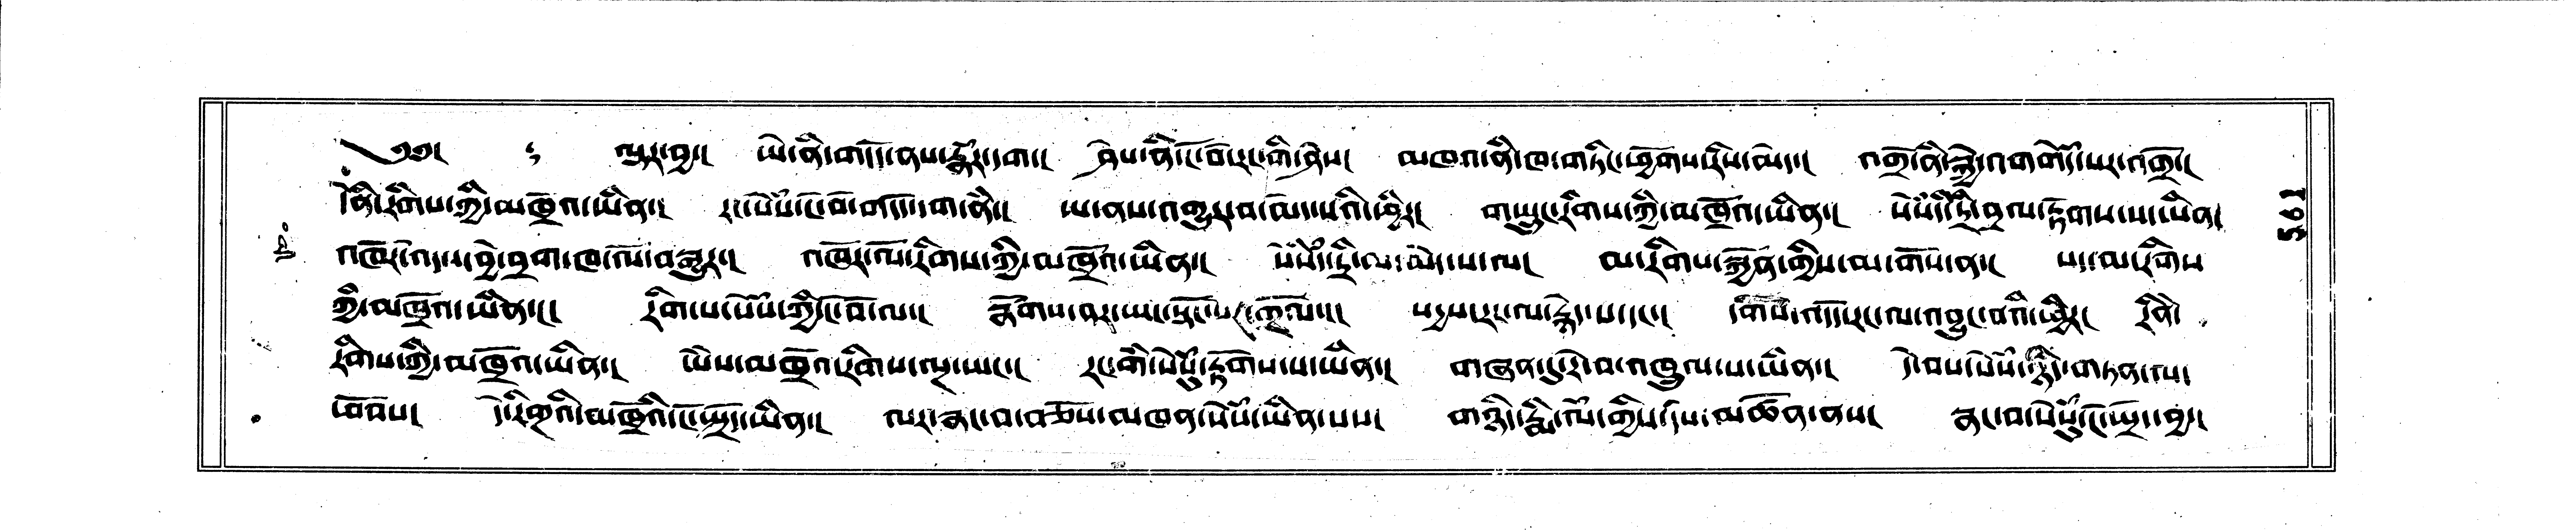ལྟར་བྱ། ཡེ་ནི་གདོད་ནས་རྣམ་པར་དག ཤེས་ནི་རང་ངོ་རང་གིས་ཤེས། མཁའ་ནི་ཁ་གཏིང་ཕྱོགས་རིས་མེད། འགྲོ་ནི་སྐྱེ་འགགས་མེད་པར་འགྲོ།
 དེ་བཞིན་རིགས་ཀྱི་མཁའ་འགྲོ་ཡིན། རང་སེམས་ངོའོ་གདོད་དག་ནི། ཡེ་ནས་འགྱུར་བ་མེད་པའི་ཕྱིར། གཡུང་དྲུང་རིགས་ཀྱིས་མཁའ་འགྲོ་ཡིན། སེམས་ཉིད་དྲི་བྲལ་རྟོགས་པ་ཡིན།
 འཁོར་འདས་བྱེ་བྲག་ཁ་ལོ་བསྒྱུར། འཁོར་ལོ་རིགས་ཀྱི་མཁའ་འགྲོ་ཡིན། སེམས་ཉིད་དྲི་མ་མེད་པ་ལ། མ་རིག་སྐྱོན་གྱི་མ་དགོས་ན། པད་མ་རིགས་
ཀྱི་མཁའ་འགྲོ་ཡིན། རིག་པ་སེམས་ཀྱི་ངོའོ་ལ། སྣ་ཚོགས་ཤར་ཡང་སྟོང་པར་གྲོལ། སངས་རྒྱས་རང་ལ་རྙེད་པ་དང་། དགོས་འདོད་རང་ལས་འབྱུང་བའི་ཕྱིར། རིན་ཆེན་
རིགས་ཀྱི་མཁའ་འགྲོ་ཡིན། ཡེ་ཤེས་མཁའ་འགྲོ་རིགས་ལྔ་ཡང་། རང་གི་སེམས་སུ་རྟོགས་པ་ཡི། གཞན་དུ་རེ་བ་འཁྲུལ་པ་ཡིན། དེ་བའི་༼བས༽སེམས་ཉིད་གཏན་ལ་
ཕོབས། དེ་རིགས་ལྔའི་མཁའ་འགྲོའི་ངོ་སྤྲོད་ཡིན། ལར་སྣང་བ་བཅོས་མཁན་སེམས་ཡིན་པས། གཉིད་དང་རྨི་ལམ་གྱི་དཔེ་མཚོན་ནས།